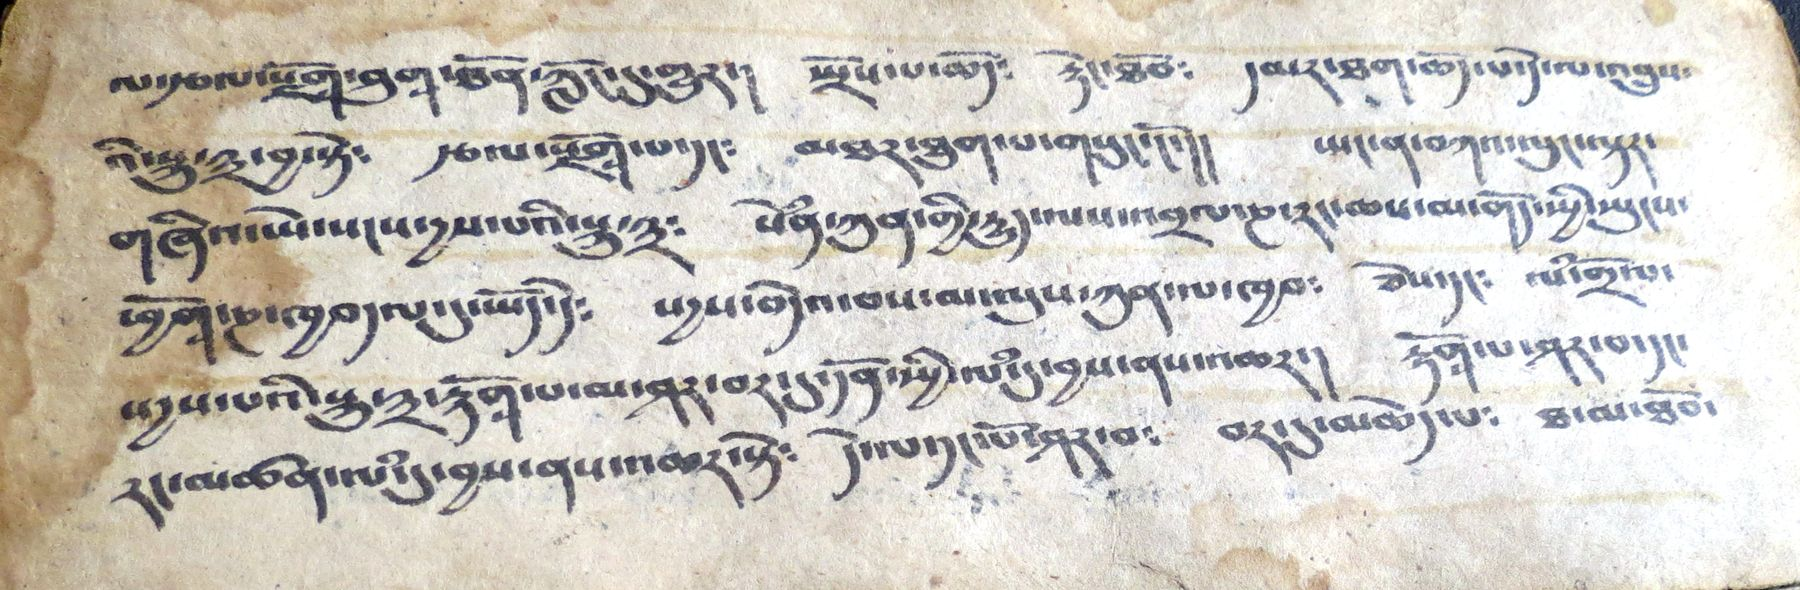ལ་རྩལ་རྫོགས། ཤུགས་ཐོན། ཀློང་དུ་གྱུར། སྤྲོས་པ་ཆོད། གདེང་ཐོབ། དམར་ཐག་ཆོད་པ་དེ་ལ་འབྲས་བུ
འི་སྐུ་གསུམ་ཞེས་བྱ་སྟེ། རྩལ་རྫོགས་པ་དང་། མཐར་ཐུག་པ་གསུངས་སོ། ། ཡང་ན་བཀའ་ལུང་ལྟར། 
གཞི་ཡེ་སངས་རྒྱས་པའི་སྐུ་གསུམ། སེམས་ཅན་ཀུན་གྱི་རྒྱུད་ལ་འབྲལ་མེད་རང་ཆས་མ་གོད་སྤྱི་སྤུངས་
ཕྱོགས་མེད་ཁྱབ་བདལ་དུ་ཡོད་དེ། སངས་རྒྱས་བདེ་ནས་མ་ལུས་ཀུན་ལ་ཁྱབ། ཅེས་དང་། ལམ་གྲོལ་
སངས་རྒྱས་ཀྱི་སྐུ་གསུམ་རྟོགས་པ་མ་ཤར་བར་དུ། སྤྱི་དོན་ལམ་དུ་བྱས་ནས་འཆར། རྟོགས་པ་ཤར་བ་དང་། 
རང་མཚན་ལམ་དུ་བྱས་ནས་འཆར་ཏེ། དེ་ཡང་དང་པོ་ཤར་བ། བར་དུ་མཆེད་པ། ཐ་མ་ཐོབ་